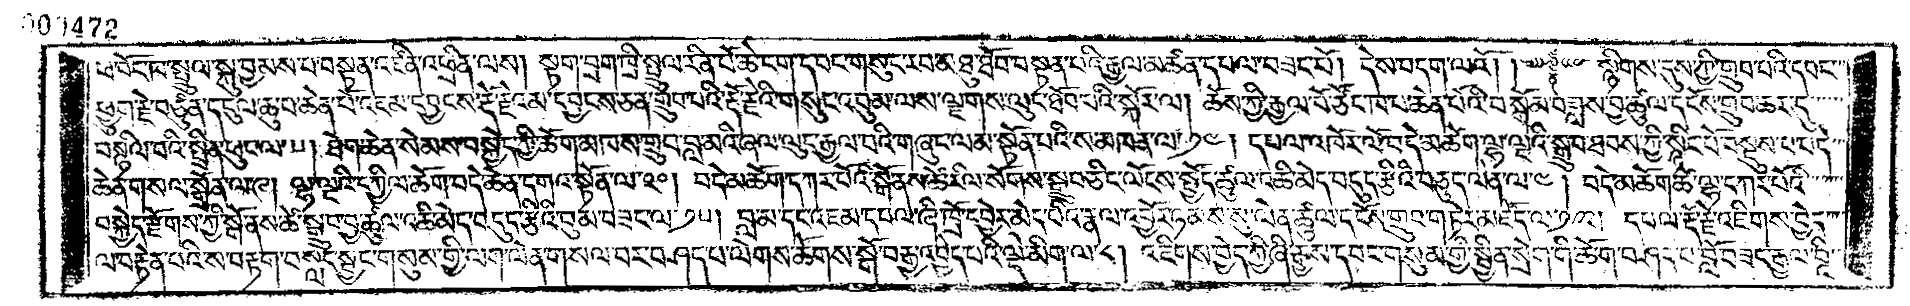ཕ་བོང་ཁ་སྤྲུལ་སྐུ་བྱམས་པ་བསྟན་འཛིན་འཕྲིན་ལས། སྟག་བྲག་ཁྲི་སྤྲུལ་རིན་པོ་ཆེ་ངག་དབང་གསུང་རབ་མཐུ་ཐོབ་བསྟན་པའི་རྒྱལ་མཚན་དཔལ་བཟང་པོ། དེས་བདག་ལའོ། །སྙིགས་དུས་ཀྱི་གྲུབ་པའི་དབང་
ཕྱུག་རྗེ་བཙུན་དངུལ་ཆུ་བ་ཆེན་པོ་འཇམ་དབྱངས་རྡོ་རྗེའམ་དབྱངས་ཅན་གྲུབ་པའི་རྡོ་རྗེའི་གསུང་འབུམ་ལས་ལྗགས་ལུང་ཐོབ་པའི་སྐོར་ལ། ཆོས་ཀྱི་རྒྱལ་པོ་ཙོང་ཁ་པ་ཆེན་པོའི་བསྒོམ་བཟླས་བྱ་ཚུལ་དངོས་གྲུབ་ཆར་དུ་
བསྙིལ་པའི་སྦྲིན་ཕུང་ལ ༥། ཐེག་ཆེན་སེམས་བསྐྱེད་ཀྱི་ཚོགས་མཁས་གྲུབ་བླ་མའི་ཞ་ལུང་རྒྱལ་པའི་གཞུང་ལམ་སྟོན་པའི་ས་མཁན་ལ ༡༤། དཔལ་འཁོར་ལོ་བདེ་མཆོག་ལྷ་ལྔའི་སྒྲུབ་ཐབས་ཀྱི་སྙིང་པོ་བསྡུས་པ་བདེ་
ཆེན་གསལ་སྒྲོན་ལ ༩། ལྷ་ལྔའི་དཀྱིལ་ཆོག་བདེ་ཆེན་དགའ་སྟོན་ལ ༢༠། བདེ་མཆོག་དཀར་པོའི་སྒོ་ནས་ཚེ་རིལ་སོགས་སྒྲུབ་ཅིང་ལོངས་སྤྱོད་ཚུལ་འཆི་མེད་བདུད་རྩིའི་བཅུད་ལེན་ལ ༤། བདེ་མཆོག་ཚེ་ལྷ་དཀར་པོའི་
བསྐྱེད་རྫོགས་ཀྱི་སྒོ་ནས་ཚེ་སྒྲུབ་བྱ་ཚུལ་འཆི་མེད་བདུད་རྩིའི་བུམ་བཟང་ལ༡༥། བླ་མ་དང་འཇམ་དཔལ་ཞི་ཁྲོ་དབྱེར་མེད་པའི་རྣལ་འབྱོར་ཉམས་སུ་ལེན་ཚུལ་དངོས་གྲུབ་གཏེར་མཛོད་ལ ༡༣། དཔལ་རྡོ་རྗེ་འཇིགས་བྱེད་
ལ་བརྟེན་པའི་ས་བརྟག་བསླང་སྦྱང་གསུམ་གྱི་ལག་ལེན་གསལ་བར་བཤད་པ་ལེགས་ཚོགས་སྒོ་བརྒྱ་འབྱེད་པའི་ལྡེ་མིག་ལ ༨། འཇིགས་བྱེད་ཀྱི་ཞི་རྒྱས་དབང་གསུམ་གྱི་སྦྱིན་སྲེག་གི་ཆོག་བཤད་པ་བློ་བཟང་རྒྱལ་བའི་